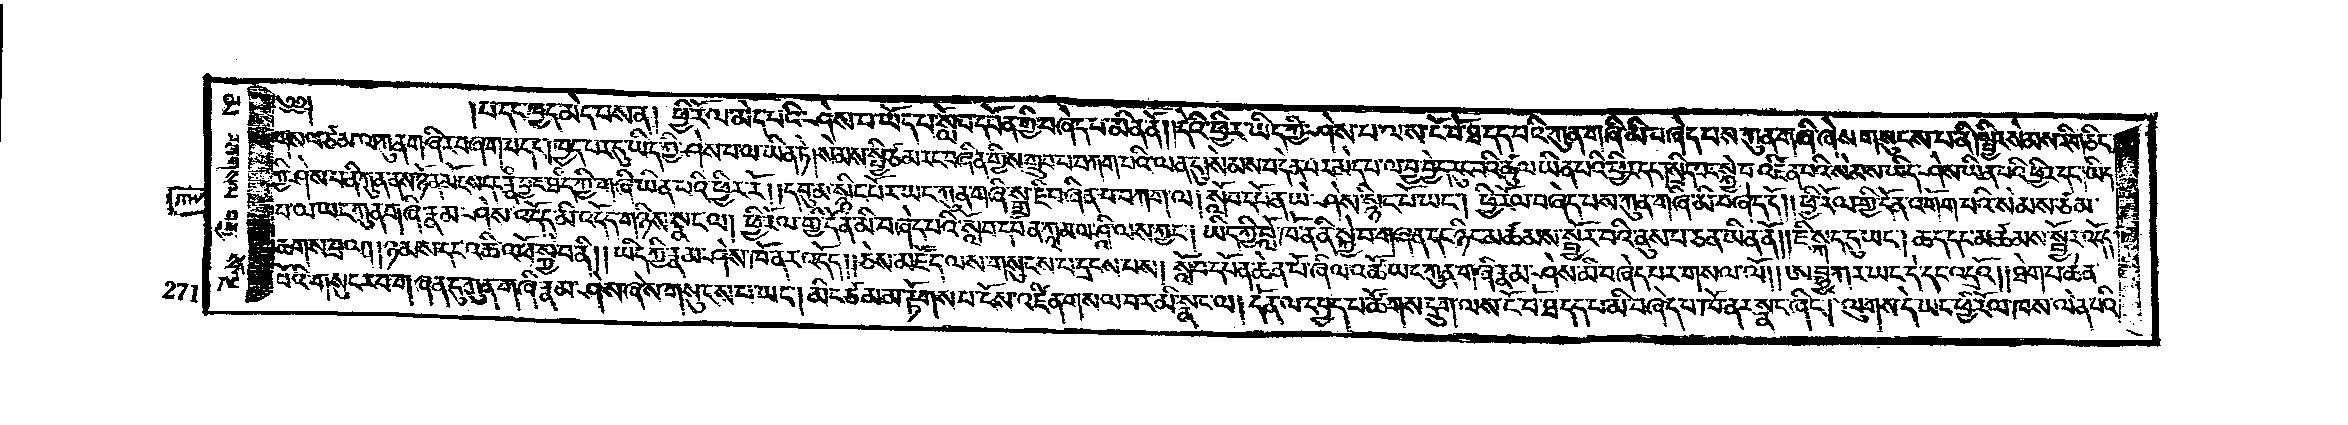༄༅། །པ་དང་ཁྱད་མེད་པས་ན། ཕྱི་རོལ་མེད་པའི་ཤེས་པ་ཡོད་པ་སློབ་དཔོན་གྱི་བཞེད་པ་མིན་ནོ། །དེའི་ཕྱིར་ཡིད་ཀྱི་ཤེས་པ་ལས་ངོ་བོ་ཐ་དད་པའི་ཀུན་གཞི་མི་བཞེད་པས་ཀུན་གཞི་ཞེས་གསུངས་པ་ནི། སྤྱིར་སེམས་རིག་ཅིང་
གསལ་ཙམ་ལ་ཀུན་གཞིར་བཞག་པ་དང་། ཁྱད་པར་དུ་ཡིད་ཀྱི་ཤེས་པ་ལ་ཡིན་ཏེ། སེམས་སྤྱི་ཙམ་རང་བཞིན་གྱིས་གྲུབ་པ་བཀག་པའི་ལན་དུ། སེམས་བདེན་པར་མེད་པ་ལ་བྱ་བྱེད་རུང་བའི་ཚུལ་ཡིན་པའི་ཕྱིར་དང་། སྲིད་པར་སྐྱེ་བ་འཛིན་པའི་སེམས་ཡིད་ཤེས་ཡིན་པའི་ཕྱིར་དང་། ཡིད་
ཀྱི་ཤེས་པ་ནི་ཀུན་ནས་ཉོན་མོངས་དང་རྣམ་བྱང་ཐམས་ཅད་ཀྱི་གཞི་ཡིན་པའི་ཕྱིར་རོ། །དབུ་མ་སྙིང་པོར་ཡང་ཀུན་གཞི་སྒྲ་ཇི་བཞིན་པ་བཀག་ལ། སློབ་དཔོན་ཡེ་ཤེས་སྙིང་པོ་ཡང་། ཕྱི་རོལ་བཞེད་པས་ཀུན་གཞི་མི་བཞེད་དོ། །ཕྱི་རོལ་གྱི་དོན་འགོག་པའི་སེམས་ཙམ་
པ་ལ་ཡང་ཀུན་གཞི་རྣམ་ཤེས་འདོད་མི་འདོད་གཉིས་སྣང་ལ། ཕྱི་རོལ་གྱི་དོན་མི་བཞེད་པའི་སློབ་དཔོན་ཀཱ་མ་ལ་ཤཱི་ལས་ཀྱང་། ཡིད་ཀྱི་བློ་ཁོ་ན་ནི་སྐྱེ་བ་གཞན་དང་ཉིང་མཚམས་སྦྱོར་བའི་ནུས་པ་ཅན་ཡིན་ནོ། །ཇི་སྐད་དུ་ཡང་། ཆད་དང་མཚམས་སྦྱོར་འདོད་
ཆགས་བྲལ། །ཉམས་དང་འཆི་འཕོ་སྐྱེ་བ་ནི། །ཡིད་ཀྱི་རྣམ་ཤེས་ཁོ་ནར་འདོད། །ཅེས་མཛོད་ལས་གསུངས་པ་དྲངས་པས། སློབ་དཔོན་ཆེན་པོ་ཞི་འཚོ་ཡང་ཀུན་གཞི་རྣམ་ཤེས་མི་བཞེད་པར་གསལ་ལོ། །ཨ་བྷྱ་ཀར་ཡང་དེ་དང་འདྲའོ། །ཐེག་པ་ཆེན་
པོའི་གསུང་རབ་གཞན་དུ་ཀུན་གཞི་རྣམ་ཤེས་ཞེས་གསུངས་པ་ཡང་། མིང་ཙམ་མ་རྟོགས་པ་ངོས་འཛིན་གསལ་བར་མི་སྣང་ལ། དོན་ལ་དཔྱད་པ་ཚོགས་དྲུག་ལས་ངོ་བོ་ཐ་དད་པ་མི་བཞེད་པ་ཁོ་ནར་སྣང་ཞིང་། ལུགས་དེ་ཡང་ཕྱི་རོལ་ཁས་ལེན་པའི་